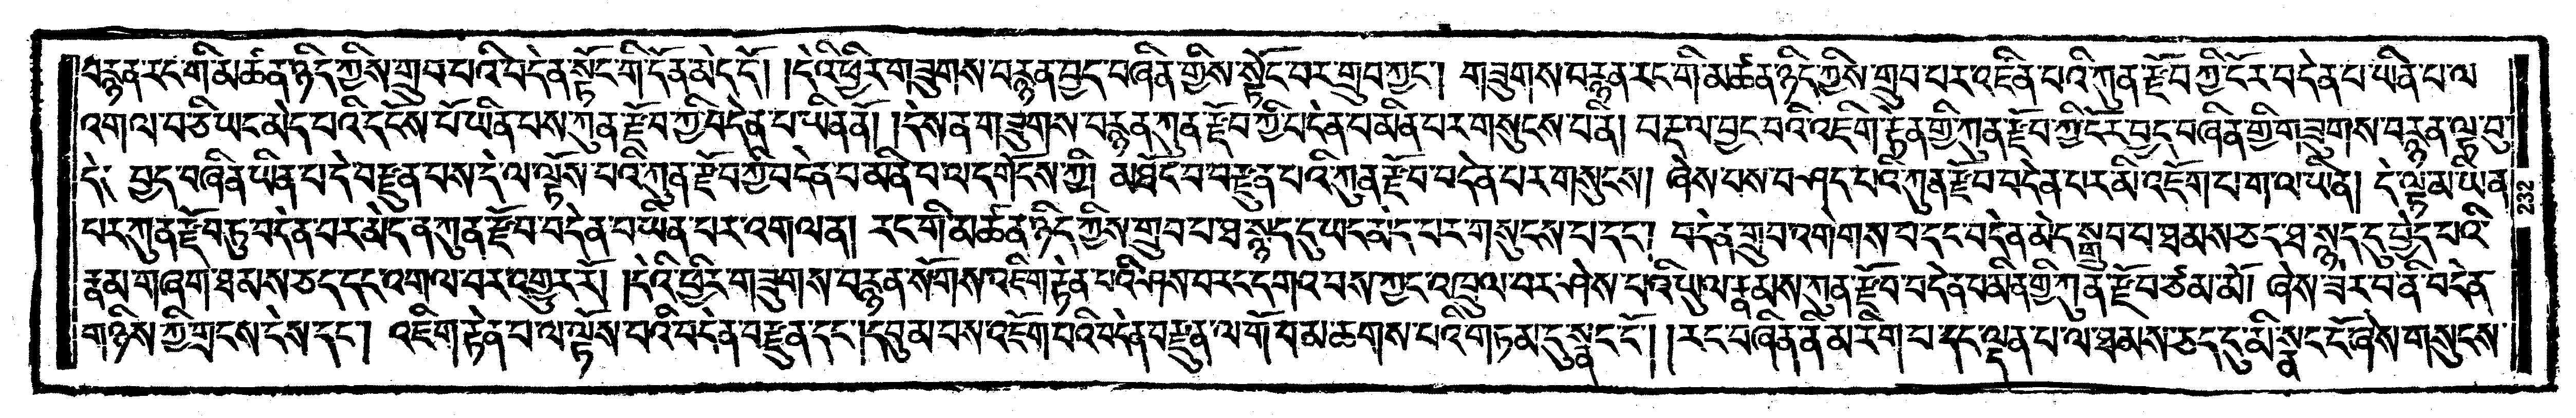བརྙན་རང་གི་མཚན་ཉིད་ཀྱིས་གྲུབ་པའི་བདེན་སྟོང་གི་དོན་མེད་དོ། །དེའི་ཕྱིར་གཟུགས་བརྙན་བྱད་བཞིན་གྱིས་སྟོང་པར་གྲུབ་ཀྱང་། གཟུགས་བརྙན་རང་གི་མཚན་ཉིད་ཀྱིས་གྲུབ་པར་འཛིན་པའི་ཀུན་རྫོབ་ཀྱི་ངོར་བདེན་པ་ཡིན་པ་ལ་
འགལ་བ་ཅི་ཡང་མེད་པའི་དངོས་པོ་ཡིན་པས་ཀུན་རྫོབ་ཀྱི་བདེན་པ་ཡིན་ནོ། །དེས་ན་གཟུགས་བརྙན་ཀུན་རྫོབ་ཀྱི་བདེན་པ་མིན་པར་གསུངས་པ་ནི། བརྡ་ལ་བྱང་བའི་འཇིག་རྟེན་གྱི་ཀུན་རྫོབ་ཀྱི་ངོར་བྱད་བཞིན་གྱི་གཟུགས་བརྙན་ལྟ་བུ་
དེ༑ བྱད་བཞིན་ཡིན་པ་དེ་བརྫུན་པས་དེ་ལ་ལྟོས་པའི་ཀུན་རྫོབ་ཀྱི་བདེན་པ་མིན་པ་ལ་དགོངས་ཀྱི། མཐོང་བ་བརྫུན་པའི་ཀུན་རྫོབ་བདེན་པར་གསུངས། ཞེས་པས་བཤད་པའི་ཀུན་རྫོབ་བདེན་པར་མི་འཇོག་པ་ག་ལ་ཡིན། དེ་ལྟ་མ་ཡིན་
པར་ཀུན་རྫོབ་ཏུ་བདེན་པར་མེད་ན་ཀུན་རྫོབ་བདེན་པ་ཡིན་པར་འགལ་ན། རང་གི་མཚན་ཉིད་ཀྱིས་གྲུབ་པ་ཐ་སྙད་དུ་ཡང་མེད་པར་གསུངས་པ་དང་། བདེན་གྲུབ་འགེགས་པ་དང་བདེན་མེད་སྒྲུབ་པ་ཐམས་ཅད་ཐ་སྙད་དུ་བྱེད་པའི་
རྣམ་གཞག་ཐམས་ཅད་དང་འགལ་བར་འགྱུར་རོ། །དེའི་ཕྱིར་གཟུགས་བརྙན་སོགས་འཇིག་རྟེན་པའི་ཤེས་པ་རང་དགའ་བས་ཀྱང་འཕྲུལ་པར་ཤེས་པའི་ཡུལ་རྣམས་ཀུན་རྫོབ་བདེན་པ་མིན་གྱི་ཀུན་རྫོབ་ཙམ་མོ། ཞེས་ཟེར་བ་ནི་བདེན་
གཉིས་ཀྱི་གྲངས་ངེས་དང་། འཇིག་རྟེན་པ་ལ་ལྟོས་པའི་བདེན་བརྫུན་དང་། དབུ་མ་པས་འཇོག་པའི་བདེན་བརྫུན་ལ་གོ་བ་མ་ཆགས་པའི་གཏམ་དུ་སྣང་ངོ། །རང་བཞིན་ནི་མ་རིག་པ་དང་ལྡན་པ་ལ་ཐམས་ཅད་དུ་མི་སྣང་ངོ་ཞེས་གསུངས་